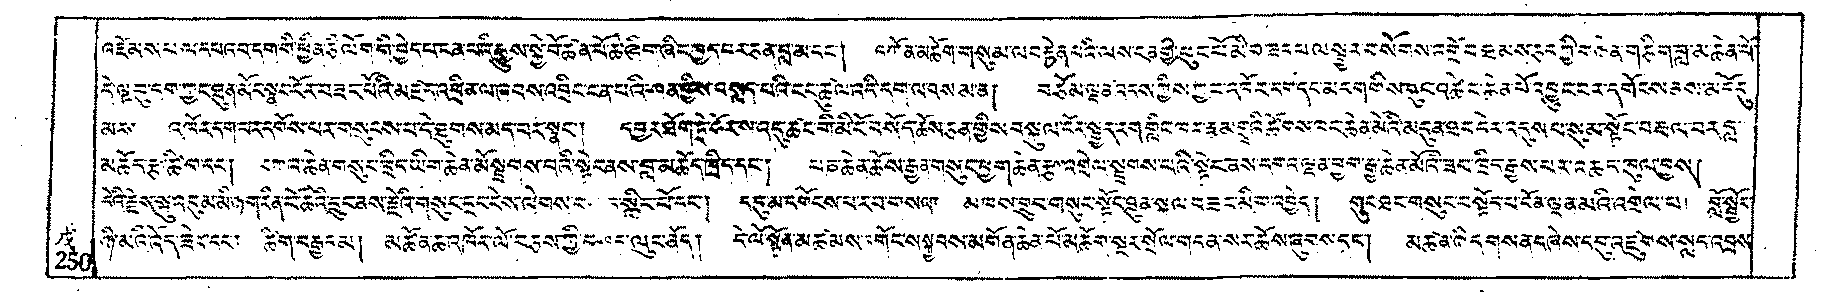འཇོམས་པ་ལ་དཔའ་བ་དག་གི་ཕྱིན་ཅི་ལོག་གི་བྱེད་པ་ངན་པའི་རྒྱུས་སྐྱེ་བོ་ཚན་པོ་ཆེ་ཞིག་ཞིང་ཁྱད་པར་ཅན་བླ་མ་དང་། དཀོན་མཆོག་གསུམ་ལ་བརྟེན་པའི་ལས་ངན་གྱི་ཕུང་པོ་མི་བཟང་པ་ལ་སྦྱར་བ་སོགས་འགྲོ་བ་ཐམས་ཅད་ཀྱི་གཉེན་གཅིག་བླ་མ་ཆེན་པོ་
དེ་ལྟ་བུ་དག་ཀྱང་ཐུན་མོང་སྣང་ངོར་བཟང་པོའི་མཛད་འཕྲིན་ལ་ཞབས་འབྲིང་ངན་པའི་ཤན་གྱིས་བསླད་པའི་ངང་ཚུལ་འདི་དག་ལ་བསམ་ན། བཅོམ་ལྡན་འདས་ཀྱིས་ཀྱང་འཁོར་དག་དང་མ་དག་གིས་བུང་འཚེང་ཆེན་པོ་འབྱུང་བར་དགོངས་ནས་མདོ་དུ་
མར། འཁོར་དག་པར་དགོས་པར་གསུངས་པ་དེ་ཐུགས་མད་པར་སྣང་། དབྱར་ཐོག་ཏྲེ་ཧོར་ས་འདུ་ཚང་གི་མི་ངོ་བསོད་ཆོས་ཅན་གྱིས་བསྐུལ་ངོར་སྦྱར་རག་གླིང་ཁར་རྣམ་གྲྭའི་ཚོགས་ཁང་ཆེན་མོའི་མདུན་ཐང་དེར་འདུས་པ་སུམ་སྟོང་བརྒལ་བར་བླ་
མཆོད་རྩ་ཚིག་དང་། བཀའ་ཆེན་གསུང་ཁྲིད་ཡིག་ཆེན་མོ་སྦྲགས་པའི་སྟེང་ནས་བླ་མཆོད་ཁྲིད་དང་། པཎ་ཆེན་ཆོས་རྒྱན་གསུང་ཕྱག་ཆེན་རྩ་འགྲེལ་སྦྲགས་པའི་སྟེང་ནས་དགའ་ལྡན་ཕྱག་རྒྱ་ཆེན་མོའི་ཟབ་ཁྲིད་རྒྱས་པར་འཆད་ཁུལ་བྱས།
དེའི་རྗེས་སྐུ་འབུམ་མི་ཉག་རིན་པོ་ཆེའི་དྲུང་ནས་རྗེའི་གསུང་དྲང་ངེས་ལེགས་བཤད་སྙིང་པོ་དང་། དབུ་མ་དགོངས་པ་རབ་གསལ། མཁས་གྲུབ་གསུང་སྟོང་ཐུན་སྐལ་བཟང་མིག་འབྱེད། གུང་ཐང་གསུང་བསྟོད་པ་དོན་ལྡན་མའི་འགྲེལ་པ། བློ་སྦྱོང་
ཉི་མའི་འོད་ཟེར་དང་། ཚིག་བརྒྱད་མ། མཚོན་ཆ་འཁོར་ལོ་བཅས་ཀྱི་བཤད་ལུང་ནོད། དེ་ལོ་སོན་མཚམས་གོང་ས་སྐྱས་མགོན་ཆེན་པོ་མཆོག་སྔར་སྲོལ་གདན་སར་ཆོས་ཞུགས་དང་། མཚན་ཉིད་གསན་བཞེས་དགུ་འཛུགས་སླད་འབྲས་